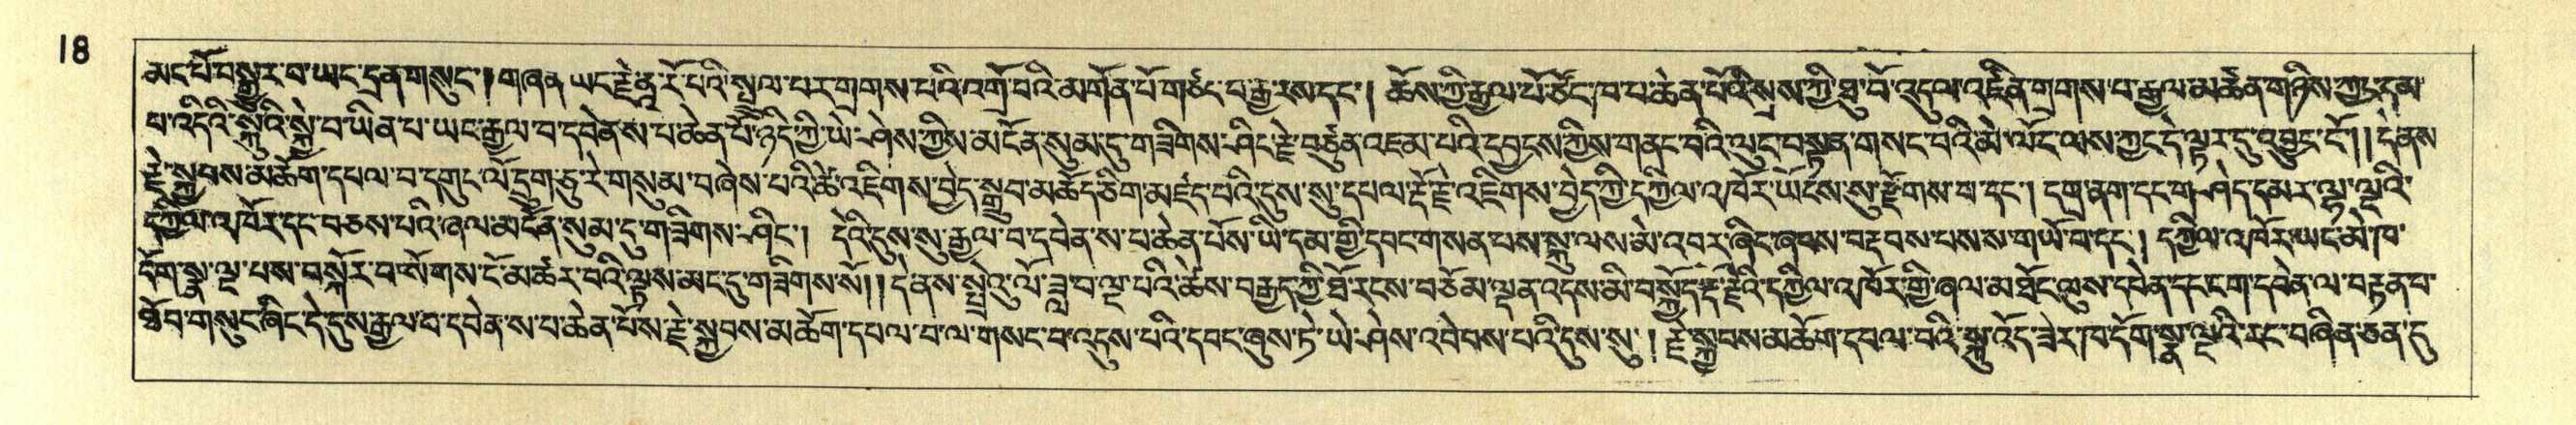མང་པོ་བསྒྱུར་བ་ཡང་དྲན་གསུང་། གཞན་ཡང་རྗེ་ནཱ་རོ་པའི་སྤྲུལ་པར་གྲགས་པའི་འགྲོ་བའི་མགོན་པོ་གཙང་བ་རྒྱ་རས་དང་། ཆོས་ཀྱི་རྒྱལ་པོ་ཙོང་ཁ་པ་ཆེན་པོའི་སྲས་ཀྱི་ཐུ་བོ་འདུལ་འཛིན་གྲགས་པ་རྒྱལ་མཚན་གཉིས་ཀྱང་དམ་
པ་འདིའི་སྐུའི་སྐྱེ་བ་ཡིན་པ་ཡང་རྒྱལ་བ་དབེན་ས་པ་ཆེན་པོ་ཉིད་ཀྱི་ཡེ་ཤེས་ཀྱིས་མངོན་སུམ་དུ་གཟིགས་ཤིང་རྗེ་བཙུན་འཇམ་པའི་དབྱངས་ཀྱིས་གནང་བའི་ལུང་བསྟན་གསང་བའི་མེ་ལོང་ལས་ཀྱང་དེ་ལྟར་དུ་འབྱུང་ངོ། །དེ་ནས་
རྗེ་སྐྱབས་མཆོག་དཔལ་བ་དགུང་ལོ་དྲུག་ཅུ་རེ་གསུམ་བཞེས་པའི་ཚེ་འཇིགས་བྱེད་སྒྲུབ་མཆོད་ཅིག་མཛད་པའི་དུས་སུ་དཔལ་རྡོ་རྗེ་འཇིགས་བྱེད་ཀྱི་དཀྱིལ་འཁོར་ཡོངས་སུ་རྫོགས་པ་དང་། དགྲ་ནག་དང་གཤེད་དམར་ལྷ་ལྔའི་
དཀྱིལ་འཁོར་དང་བཅས་པའི་ཞལ་མངོན་སུམ་དུ་གཟིགས་ཤིང་། དེའི་དུས་སུ་རྒྱལ་བ་དབེན་ས་པ་ཆེན་པོས་ཡི་དམ་གྱི་དབང་གསན་པས་སྐུ་ལས་མེ་འབར་ཞིང་ཞབས་བརྡབས་པས་ས་གཡོ་བ་དང་། དཀྱིལ་འཁོར་ཡང་མེ་ཁ་
དོག་སྣ་ལྔ་པས་བསྐོར་བ་སོགས་ངོ་མཚར་བའི་ལྟས་མང་དུ་གཟིགས་སོ། །དེ་ནས་སྤྲེའུ་ལོ་ཟླ་བ་ལྔ་པའི་ཚེས་བརྒྱད་ཀྱི་ཐོ་རངས་བཅོམ་ལྡན་འདས་མི་བསྐྱོད་རྡོ་རྗེའི་དཀྱིལ་འཁོར་གྱི་ཞལ་མཐོང་ལུས་དབེན་དང་ངག་དབེན་ལ་བརྟན་པ་
ཐོབ་གསུང་ཞིང་དེ་དུས་རྒྱལ་བ་དབེན་ས་པ་ཆེན་པོས་རྗེ་སྐྱབས་མཆོག་དཔལ་བ་ལ་གསང་བ་འདུས་པའི་དབང་ཞུས་ཏེ་ཡེ་ཤེས་འབེབས་པའི་དུས་སུ། རྗེ་སྐྱབས་མཆོག་དཔལ་བའི་སྐུ་འོད་ཟེར་ཁ་དོག་སྣ་ལྔའི་རང་བཞིན་ཅན་དུ་